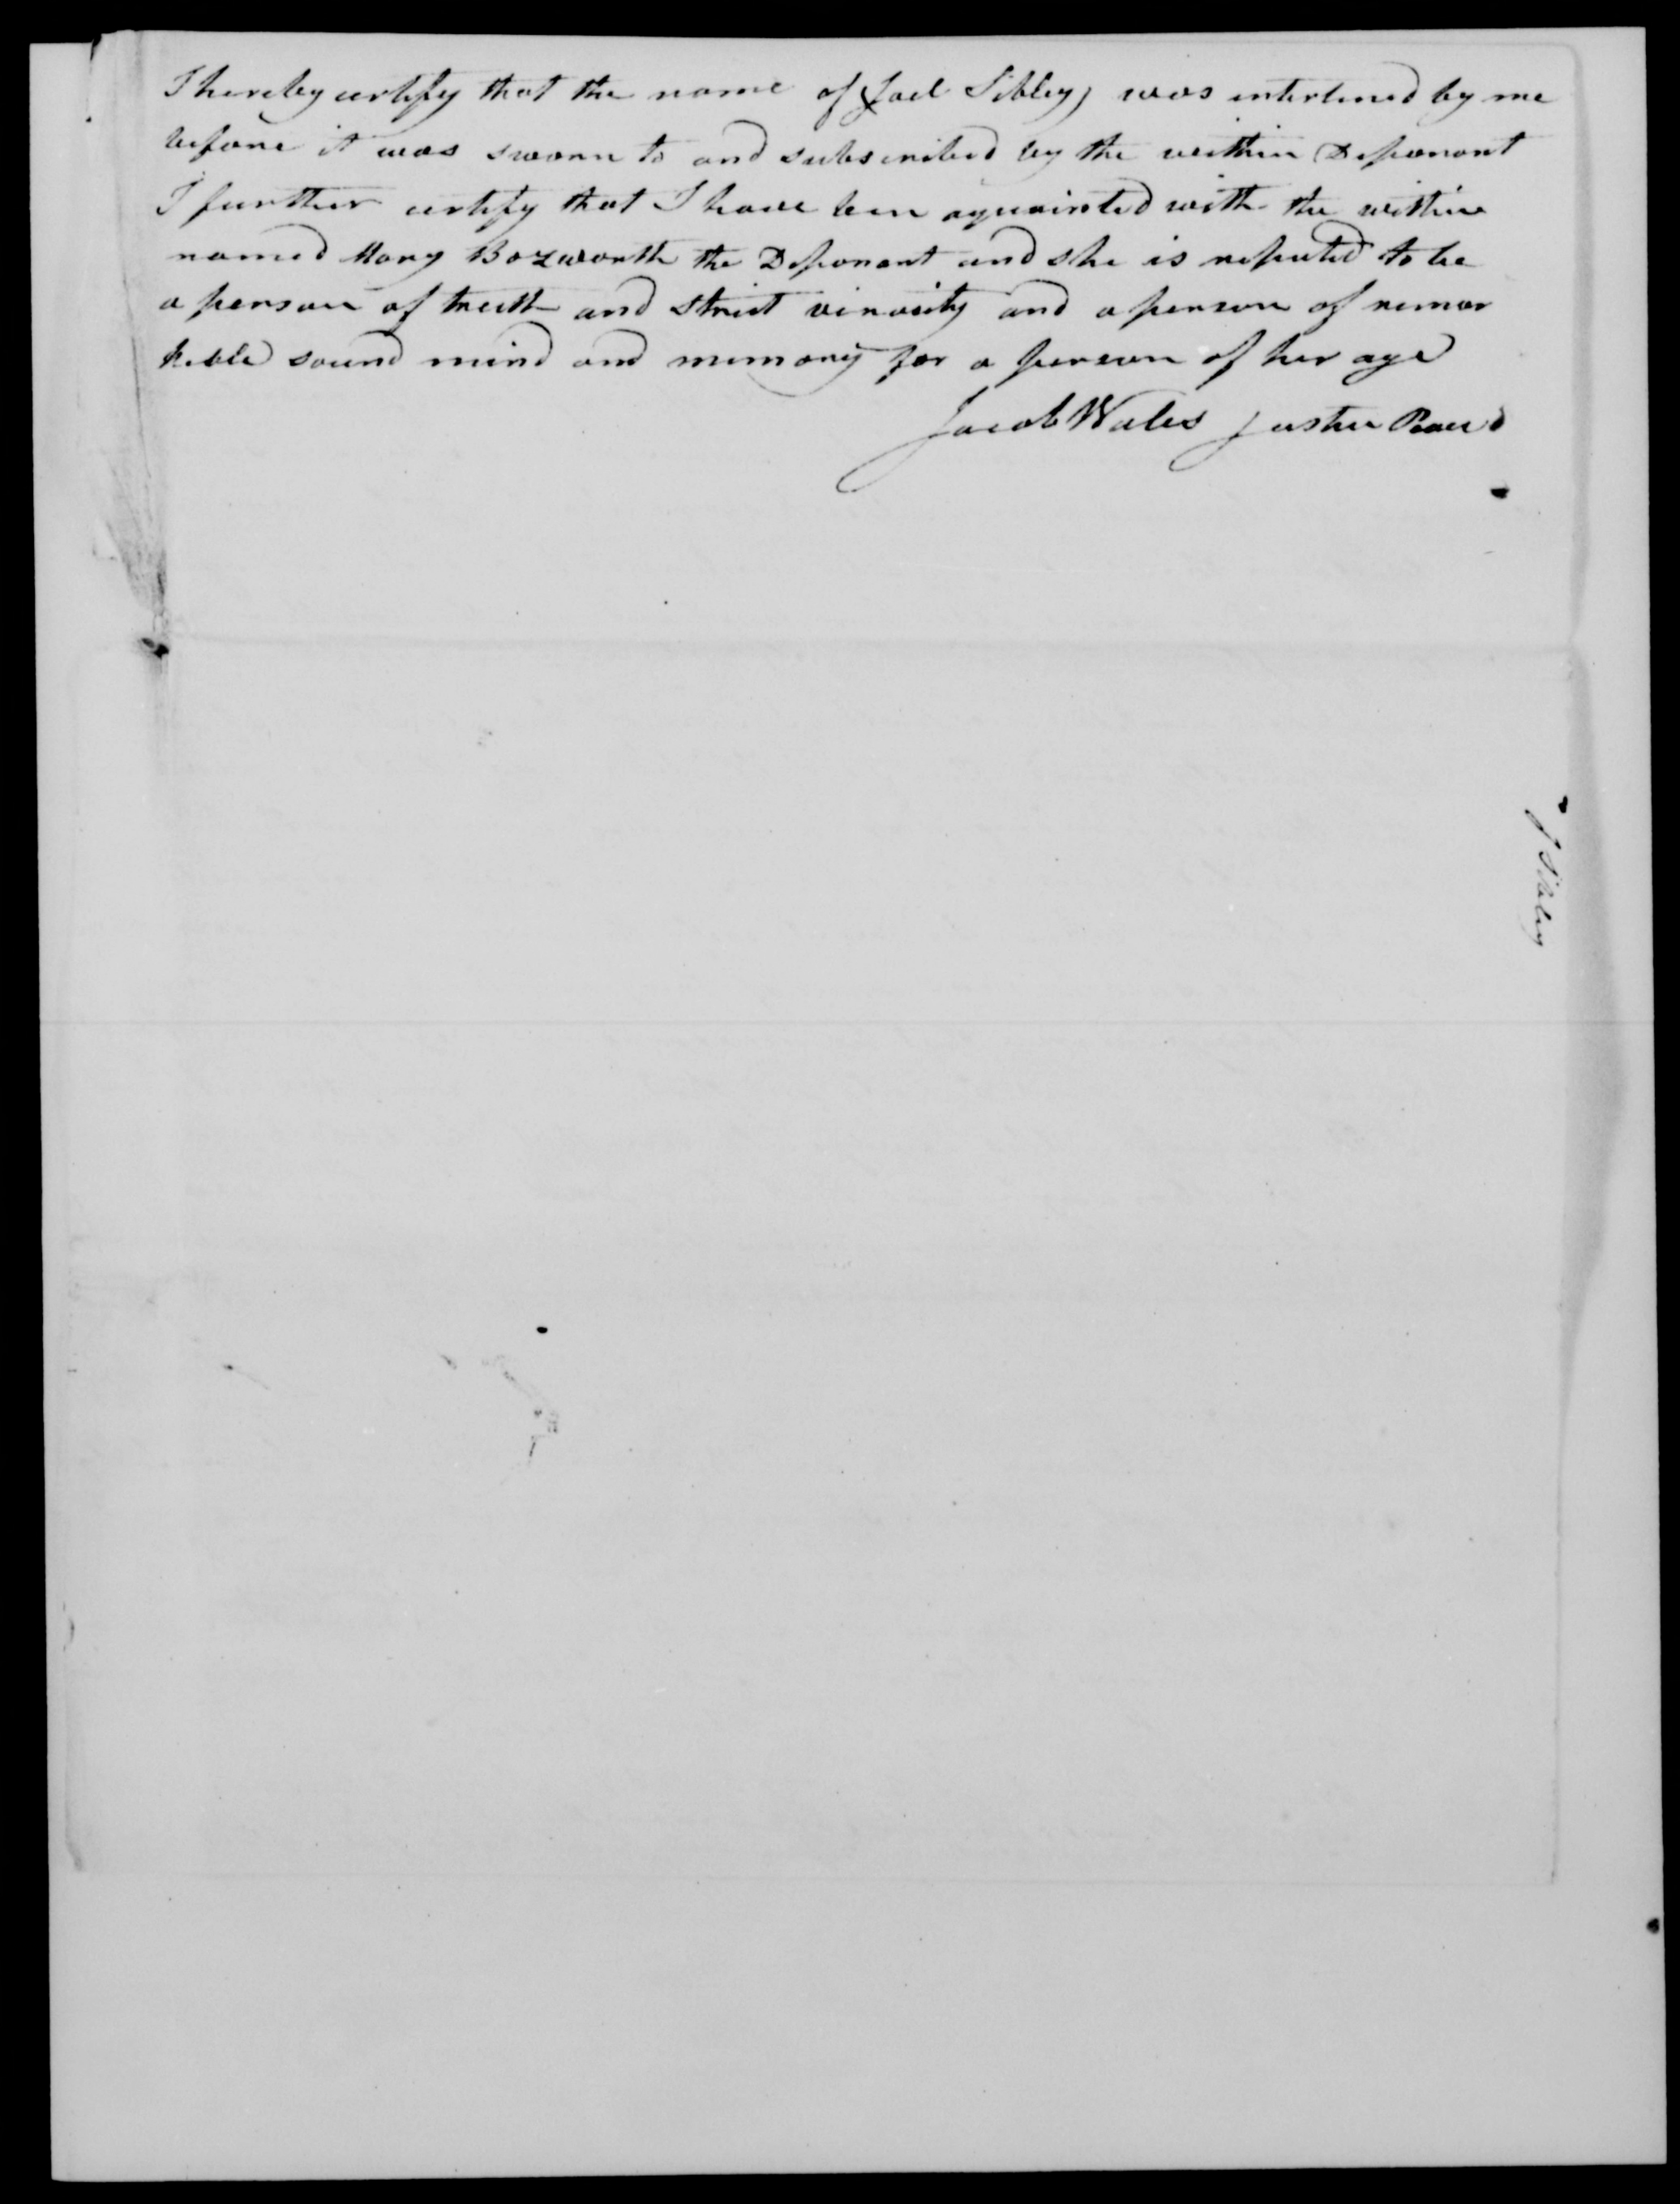I hereby certify that the name of Joel Sibley was interlined by me before it was sworn to and subscribed by the within deponent. I further certify that I have ben acquainted with the within named Mary Bosworth the deponent and she is reputed to be a person of truth and strict virosity and a person of remarkable sound mind and memory for a person of her age
Jacob Wales Justice Peace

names: Jacob Wales; Joel Sibley; [BLANK] Sibley; Mary Bosworth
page: 16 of 24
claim: widow's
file: W. 15,338, for William Sibley, Massachusetts